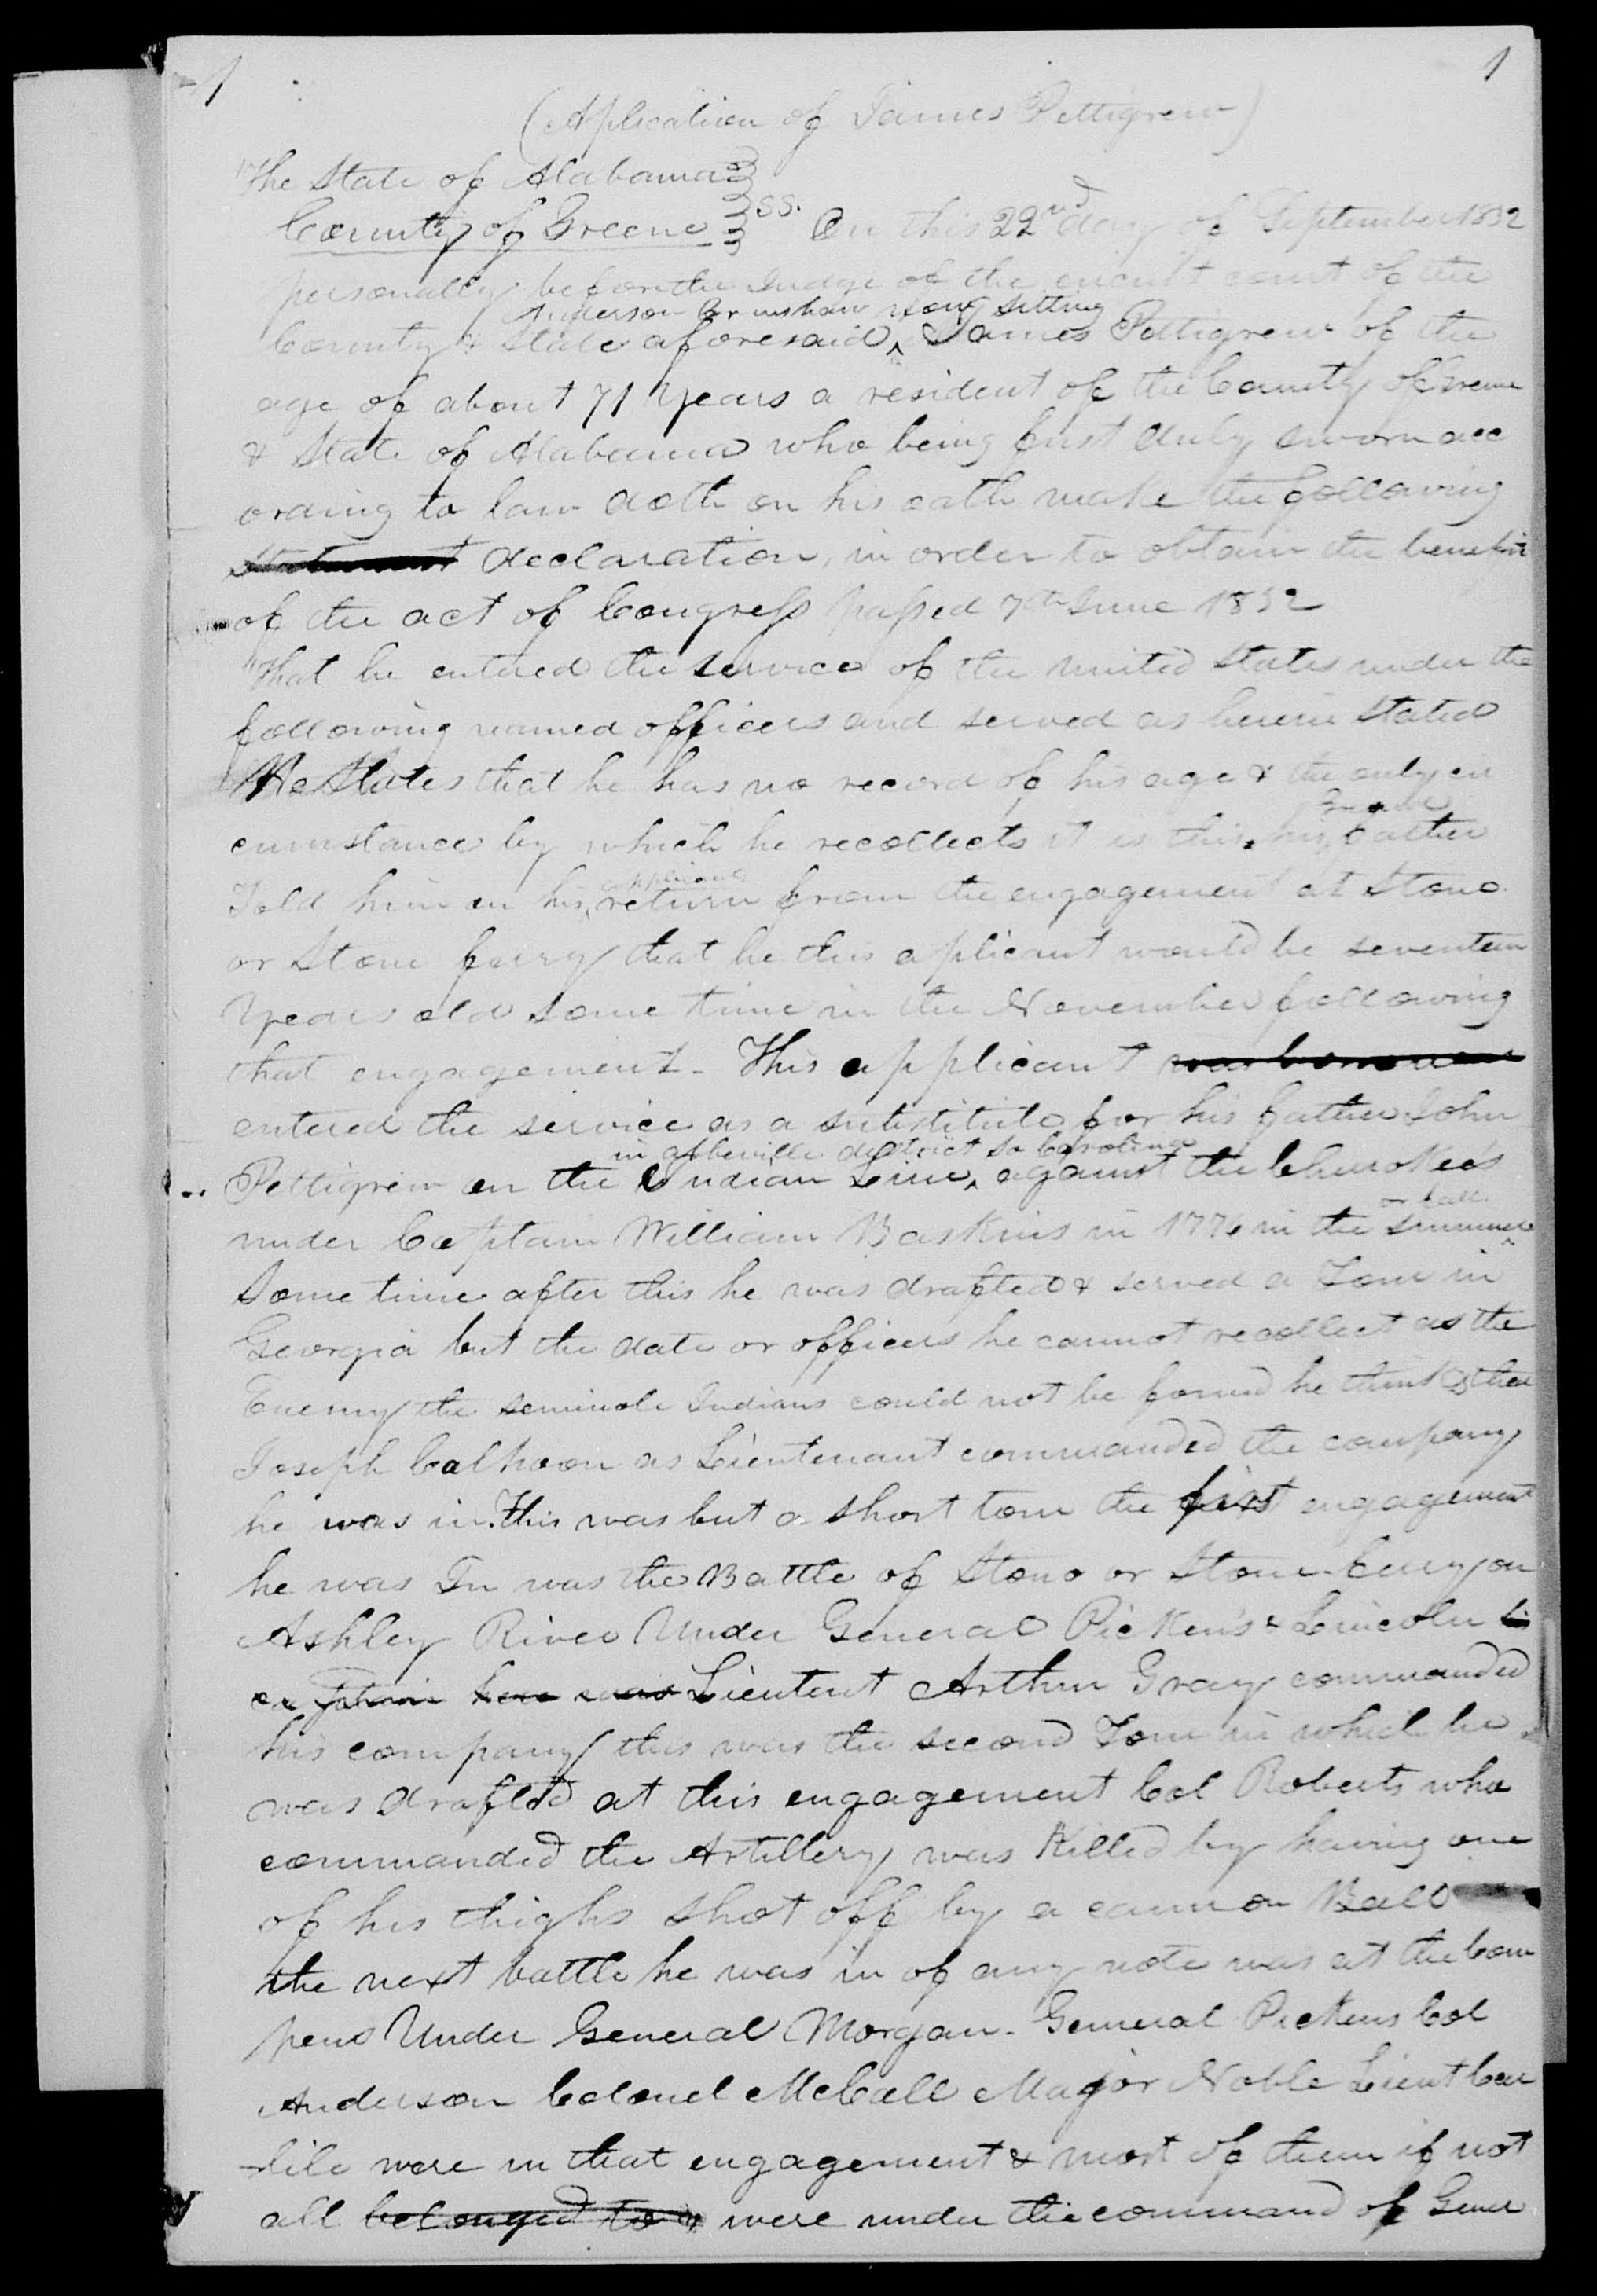(Application of James Pettigrew)
The State of Alabama
County of Greene
ss. On this 22nd day of September 1832 personally before the judge of the circuit court of the County & State aforesaid James Pettigrew of the age of about 71 years a resident of the County of Greene & State of Alabama where being first duly sworn according to the lath doth on his oath mark the following [illegible] declaration in order to obtain the pension of the Act of Congress proposed 7th June 1832
That he entered the service as hereby stated he states that he has no record of his age & the only circumstance by which he recollects [illegible] is this, his father told him in his, neither from the engagement at Stono or Stono Ferry that he this applicant would be seventeen years old some time in the December following that engagement - This applicant [illegible] entered the service as a substitute for his father John Pettigrew in the Indian Line against the [illegible] under Captain William Barkins in 1776 in the summer sometime after this he was drafted & served a Line in George but the date or officers he cannot recollect as the Enemy the Seminole Indians could not be found he [illegible] that Joseph Calhoun as Lieutenant commanded the company he was in this was but a short from the first engagement he was In was the Battle of Stono or Stono Ferry on Ashley River under General Pickens & Lincoln & Captains Lee [illegible] Lieutenant Arthur Gray commanded his company this under the Second Line which he was Drafted at this engagement Col Roberts who commanded the Artillery was killed by having one of his thighs shot off by a cannon Ball the next battle he was in of any note was at the Cowpens under General Morgan. General Pickens Col Anderson Colonel McCall Major Halls Lieut Col Sile were in that engagement & most of them if not all ["belonged to" crossed off] were under the command of Gen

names: Arthur Gray; John Pettigrew; [BLANK] Roberts; [BLANK] Mc Call; [BLANK] Pickens; [BLANK] Noble; [BLANK] Carlile; [BLANK] Anderson; Joseph Calhoon; James Pettigrew; William Baskins; [BLANK] Morgan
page: 19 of 92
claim: widow's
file: W. 5522, for James Pettigrew, South Carolina